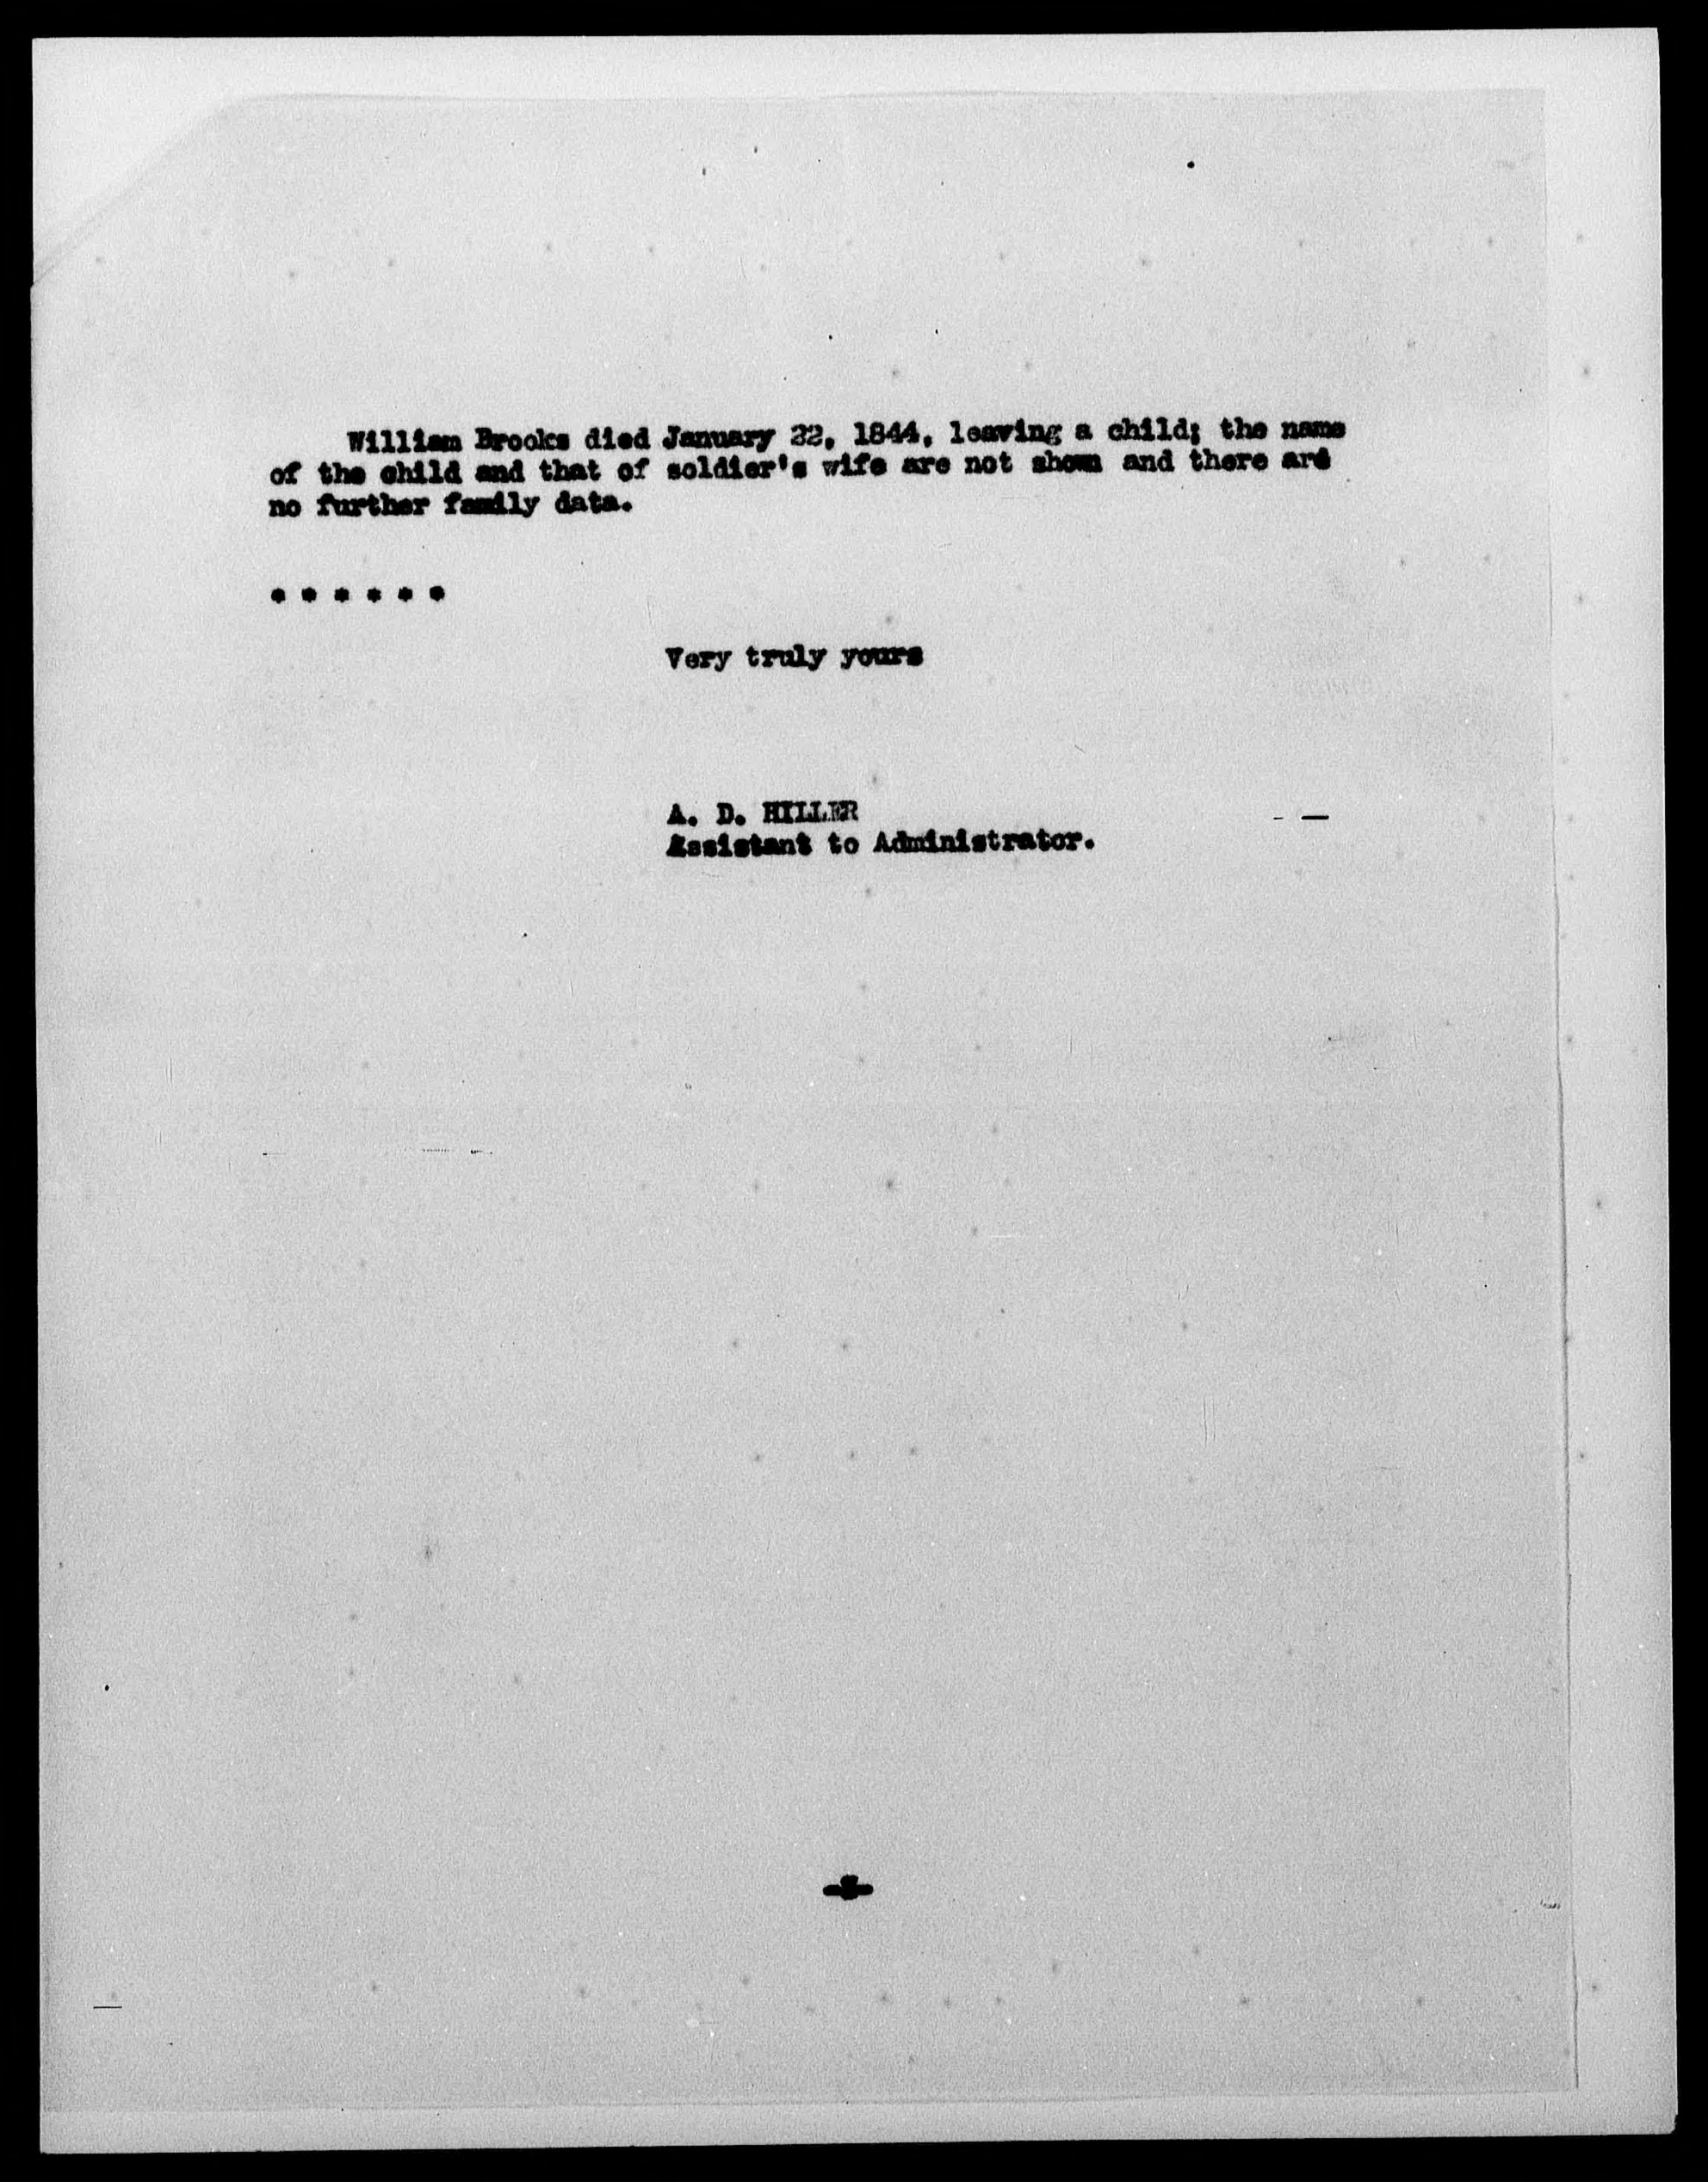William Brooks died January 22, 1844, leaving a child: the name of the child and that of soldier's wife are not shown and there are no further family data.

******

                                         Very truly yours
     

                                          A.  D.  Miller
                                     Assistant to Administrator.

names: William Brooks, A D Hiller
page: 14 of 17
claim: survivor's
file: S. 6717, William Brooks, Md. N.C.